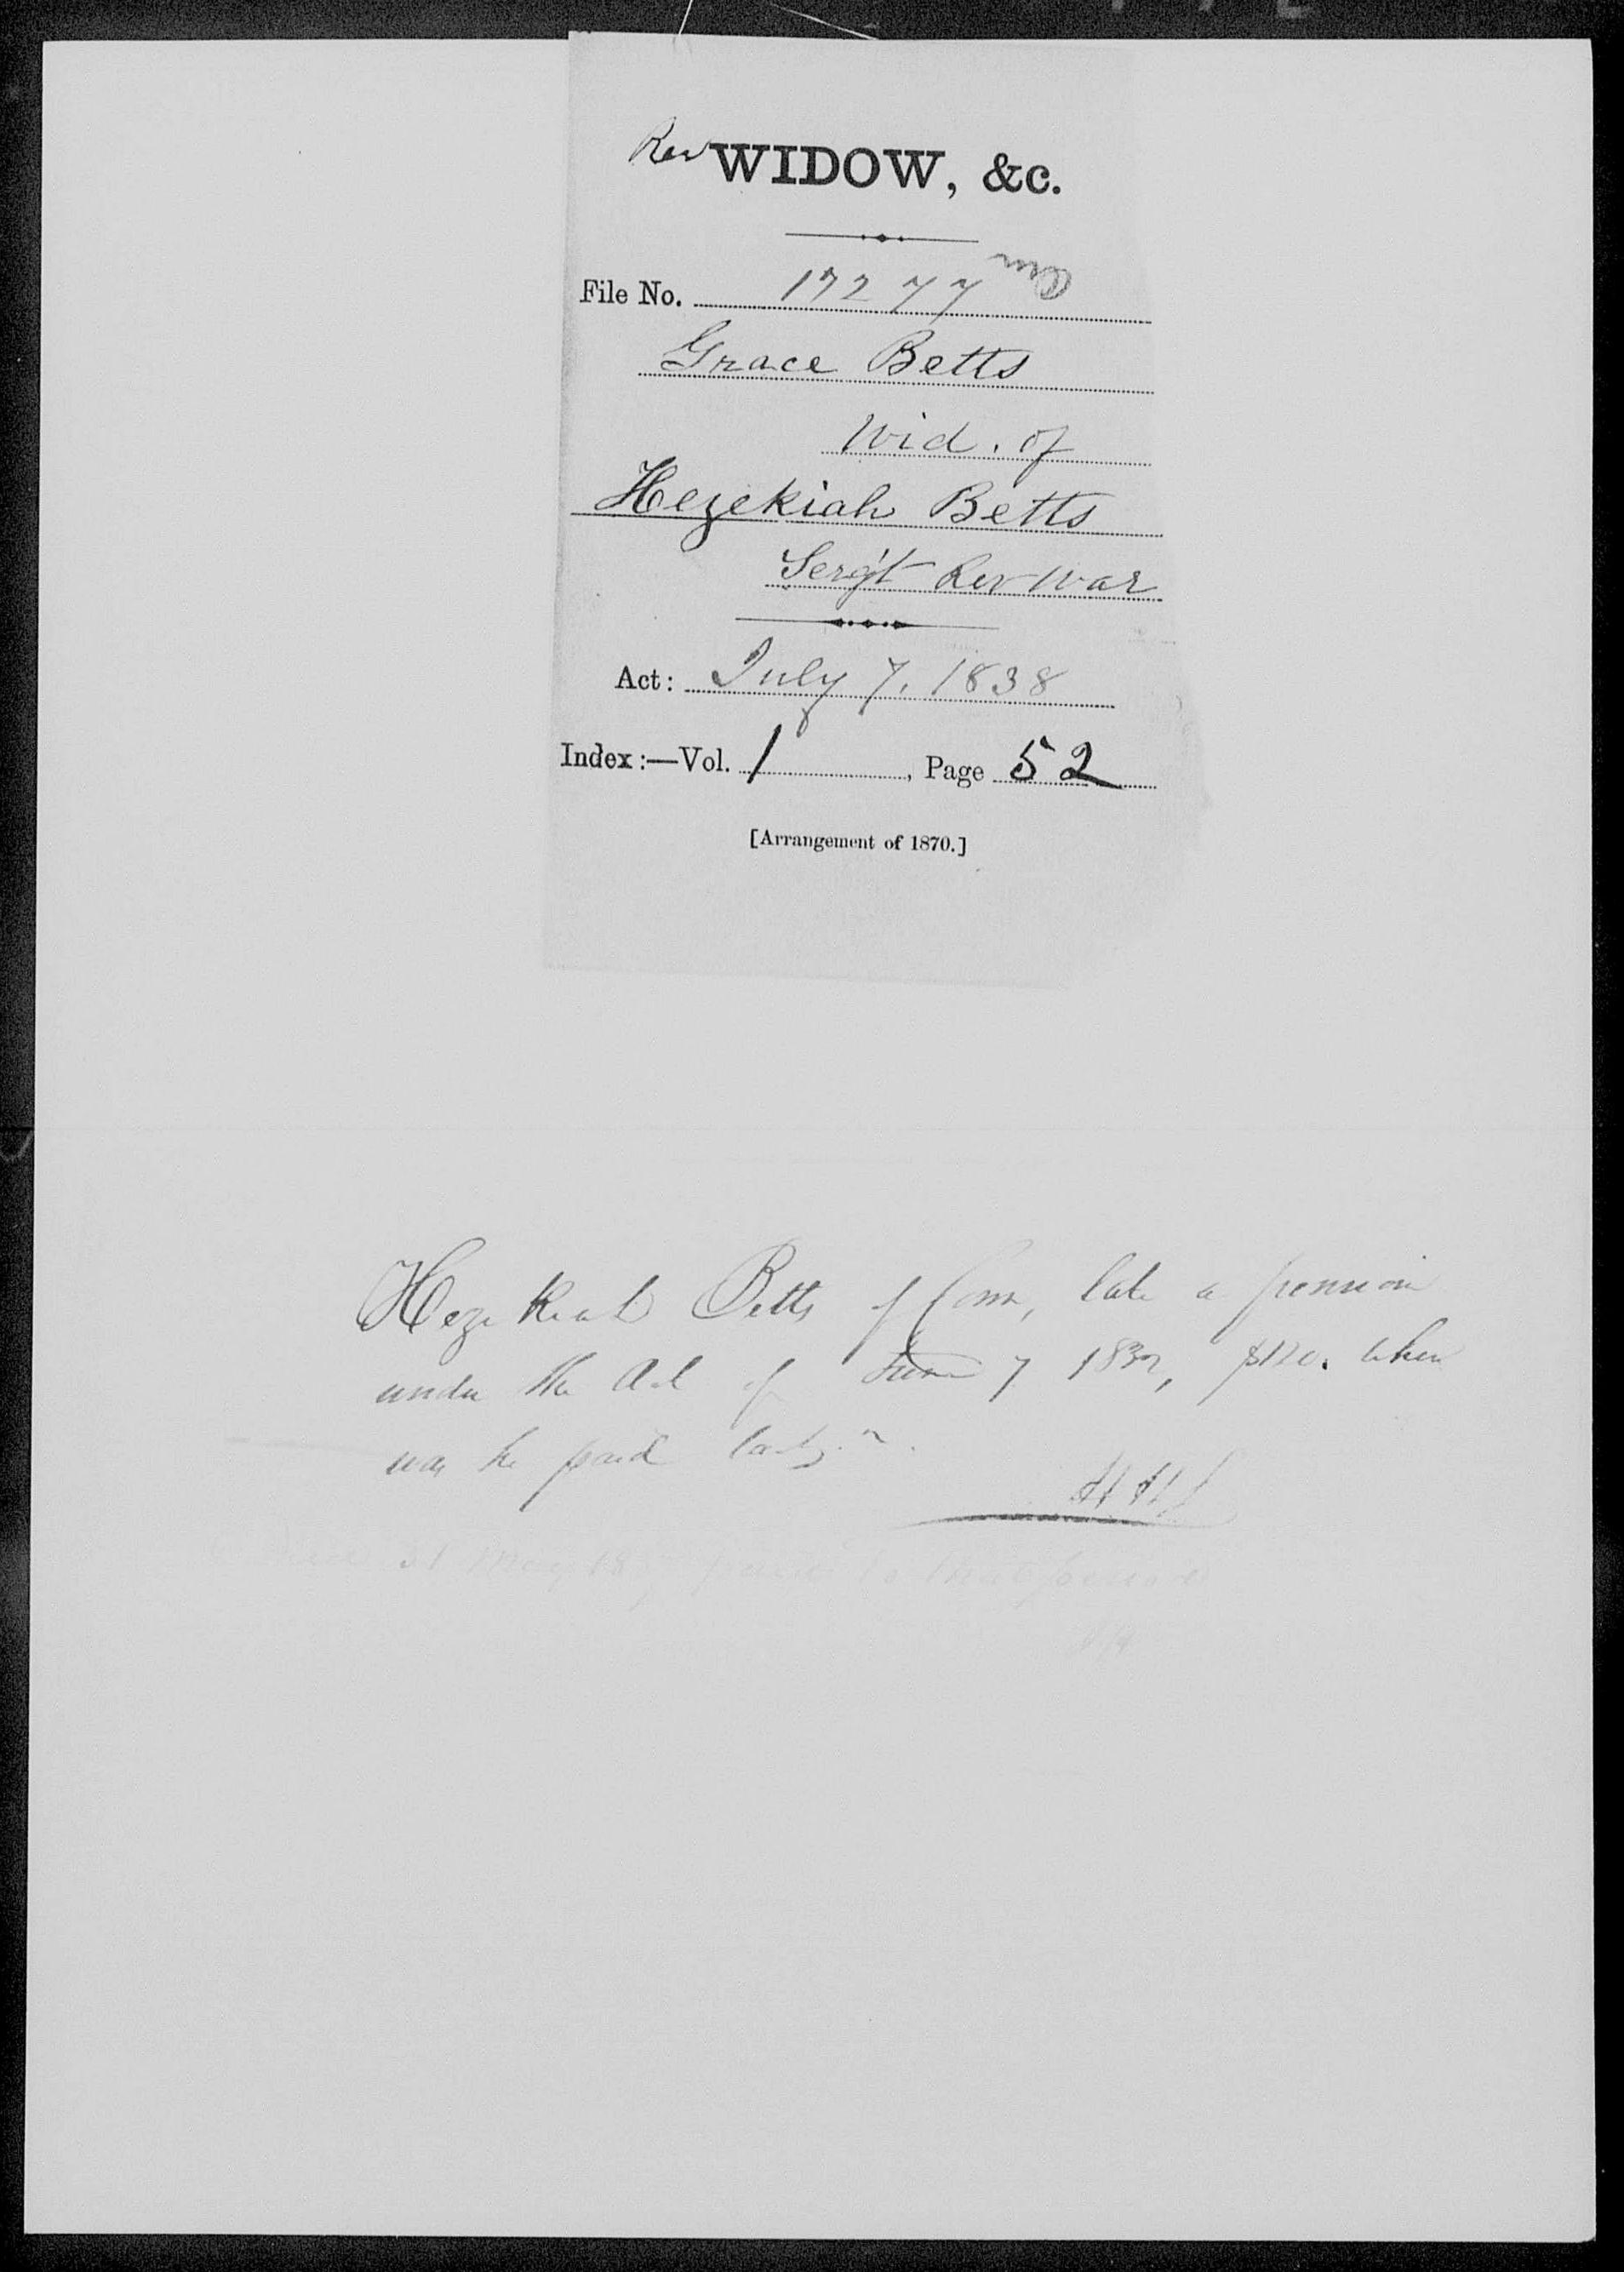Rev WIDOW, &c.
File No. 17277
Grace Betts
wid. of
Hezekiah Betts
Sergt Rev War
Act: July 7, 1838
Index:- Vol. 1, Page 52
[Arrangement of 1870]


Hezekiah Betts of Conn, late a pensioner
under the act of June 7, 1832, $120, when
was he paid last?
HHL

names: Grace Betts, Hezekiah Betts, Hezekiah Betts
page: 20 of 61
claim: widow's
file: W. 29,929, Hezekiah Betts, Conn.